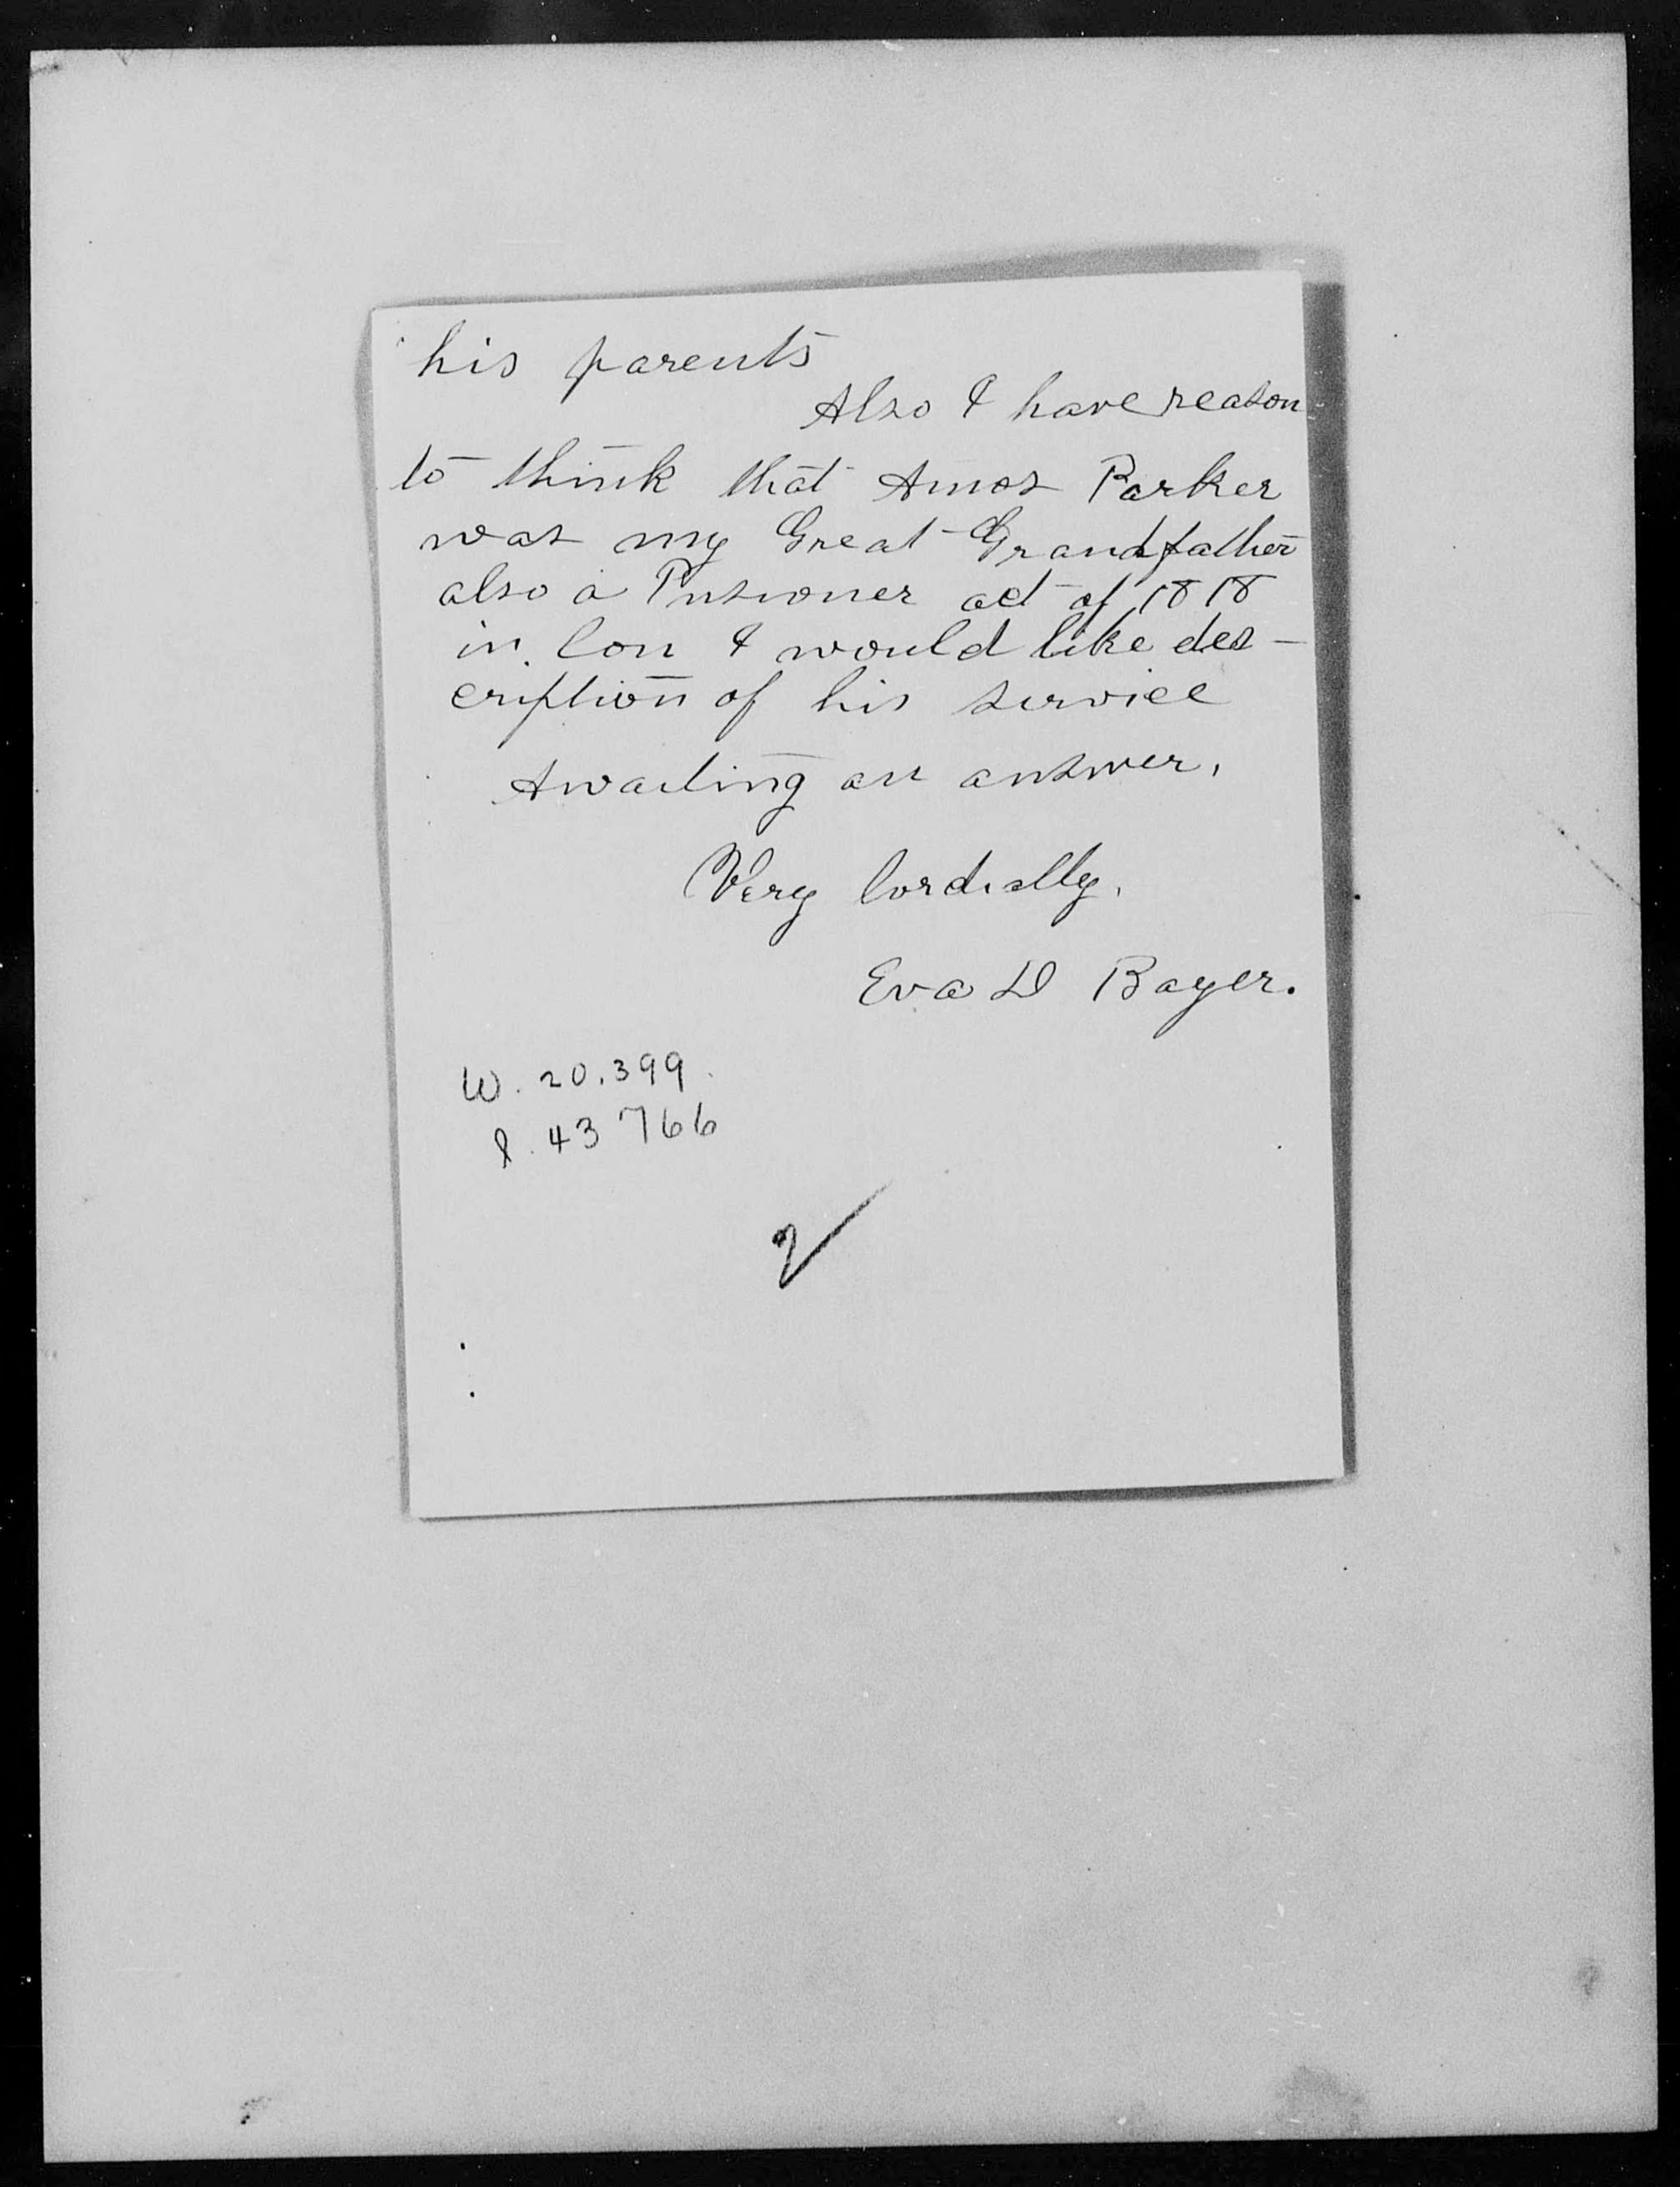his parents
Also I have reason
to think that Amos Parker
was my Great Grandfather
also a pentioner act of 1818
in Con I would like description
of his service
Awaiting an answer,
Very Cordially,
Eva D Bayer
W. 20.399
S. 43766
2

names: Eva D Bayer; Amos Parker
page: 31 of 31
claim: survivor's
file: S. 43766, for Amos Parker, Connecticut